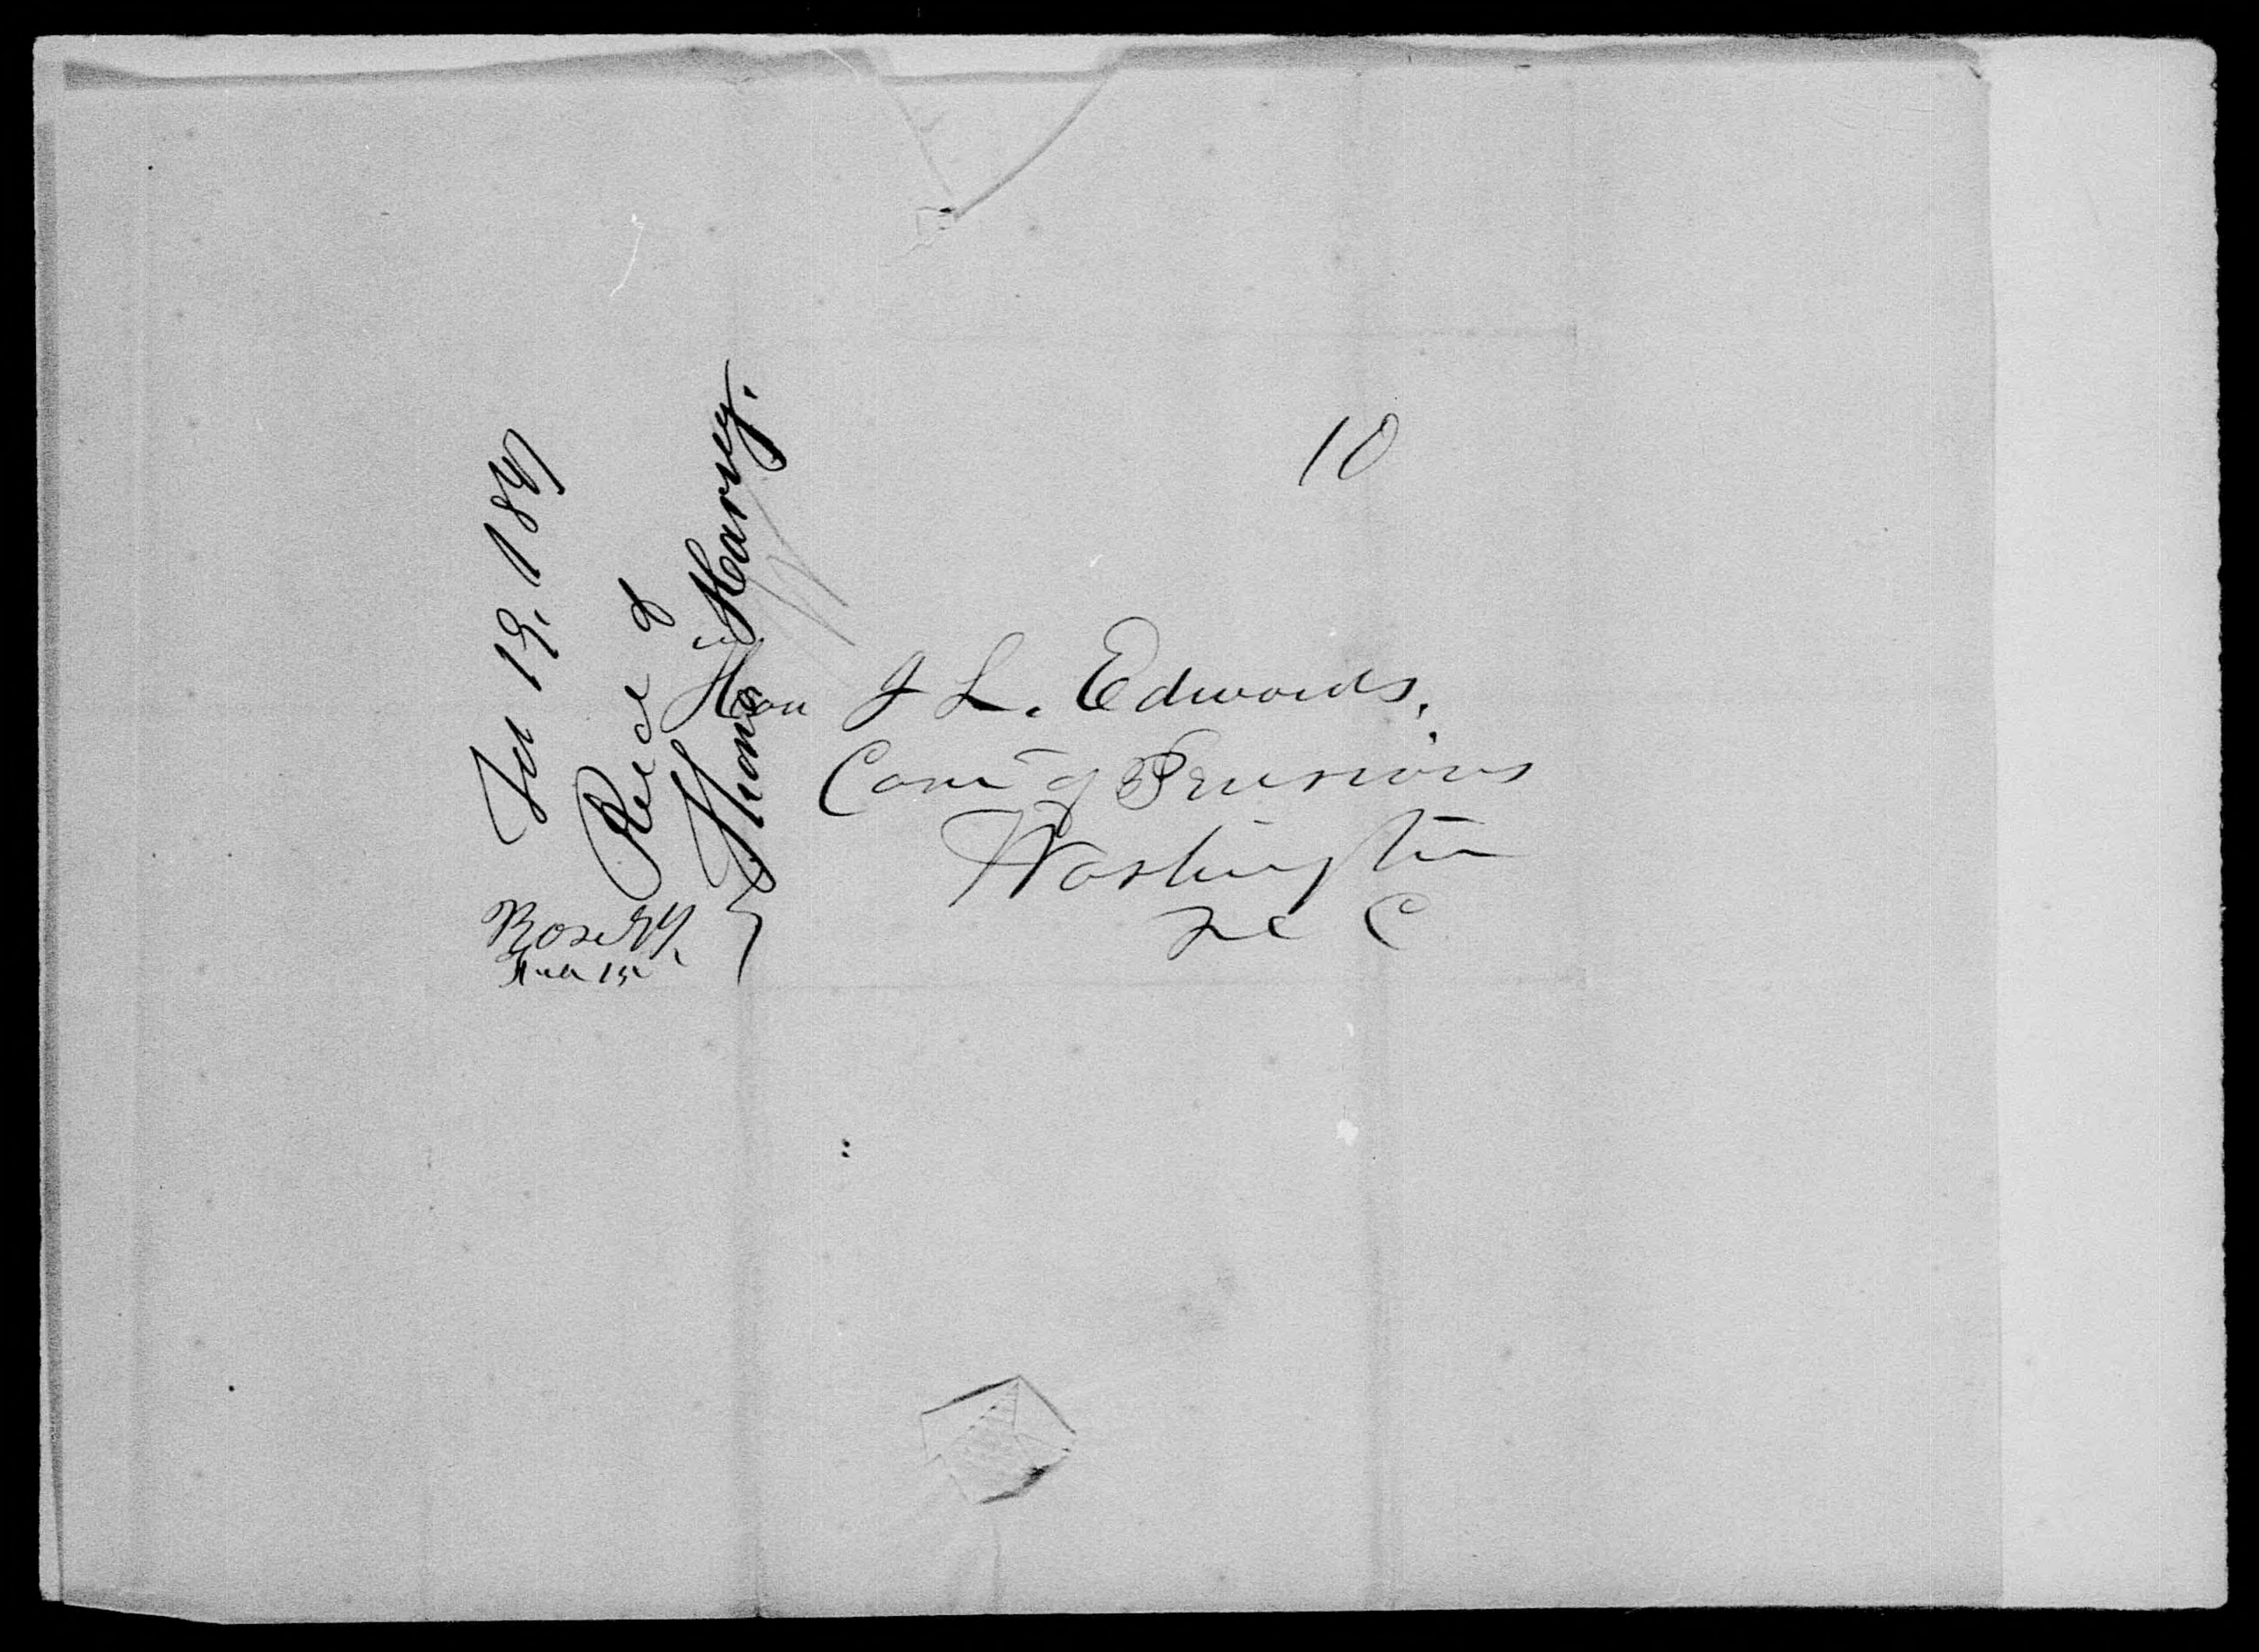[addressed letter]
[margin notes: Feb 19, 1847 Rec'd of Thomas Harvey Rose N.Y. Feb 15}] 10
Hon J. L. Edwards 
Com of Pensions
Washington D.C.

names: J L Edwards, Thomas Harvey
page: 45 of 80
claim: survivor's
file: S. 18008, Thomas Harvey, N.H.